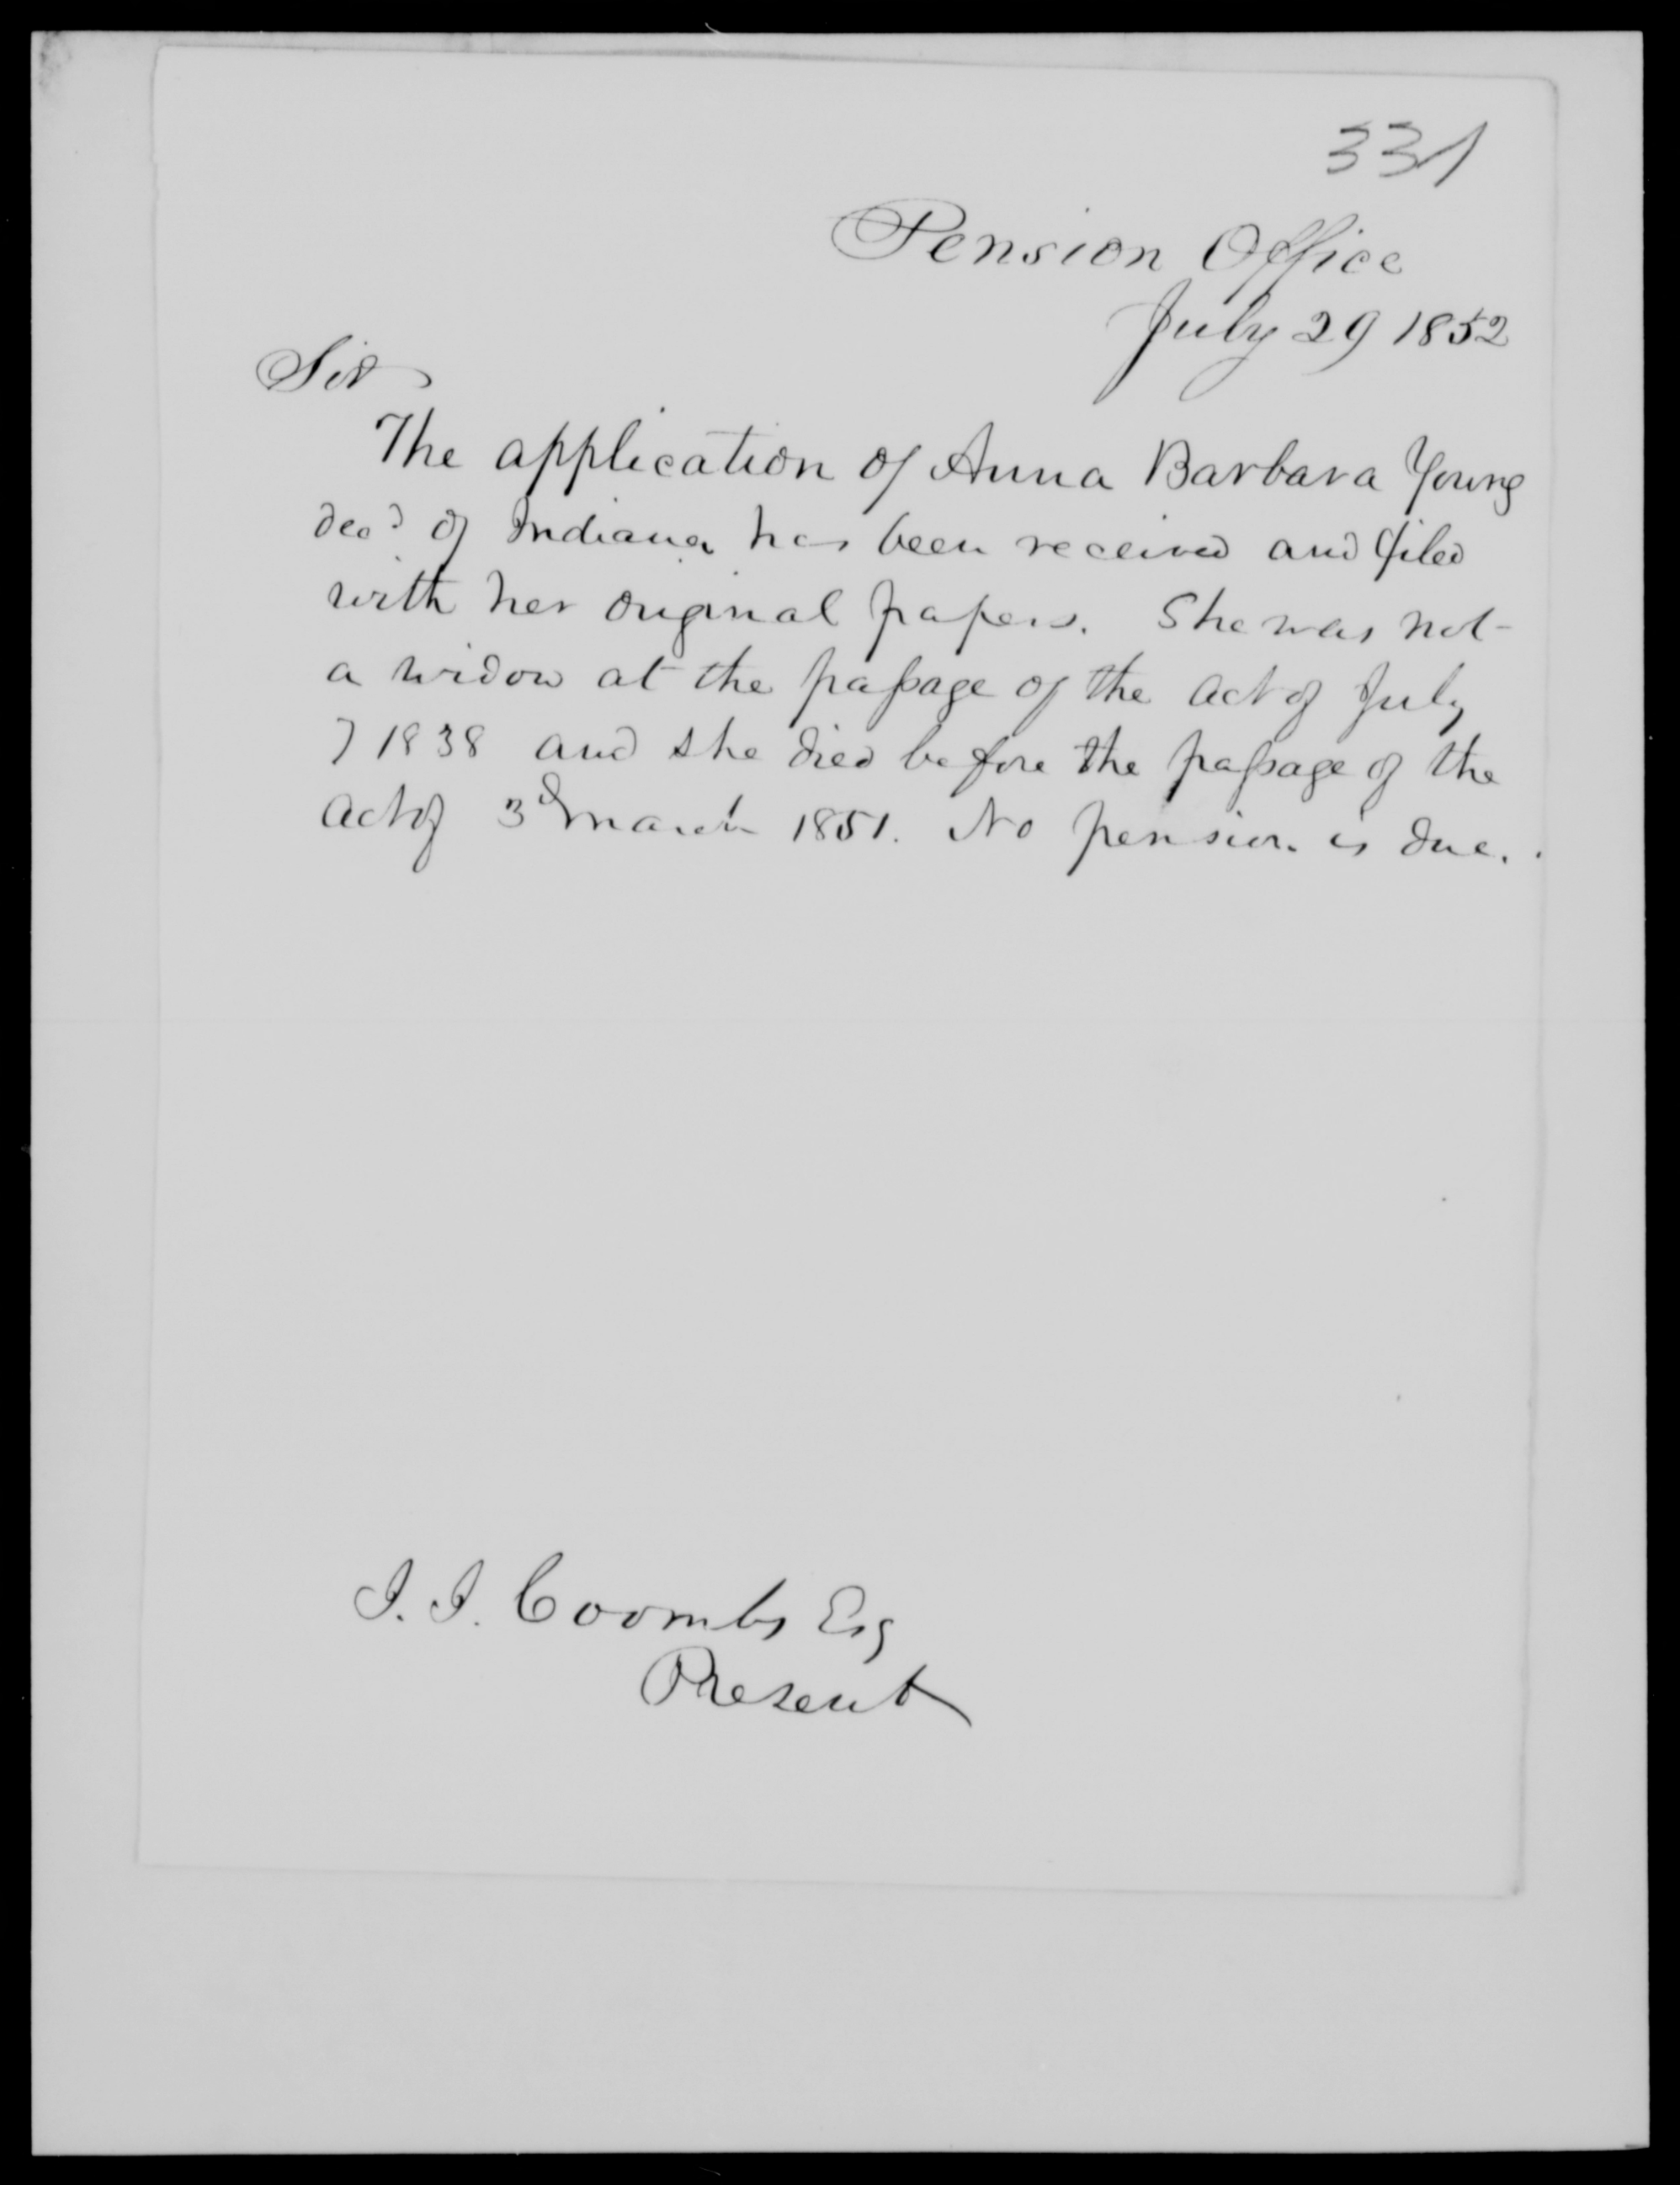331
Pension Office
July 29 1852

Sir
The application of Anna Barbara Young
dec’d of Indiana has been received and filed
with her original papers. She was not
a widow at the passage of the act of July
1838 and she died before the passage of the
Act of 3 March 1851. No pension is due


J. J. Coombs Esq
Present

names: Anna Barbara Young, J J Coombs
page: 74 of 123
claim: rejected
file: R. 11,949, Matthias Young, Md.